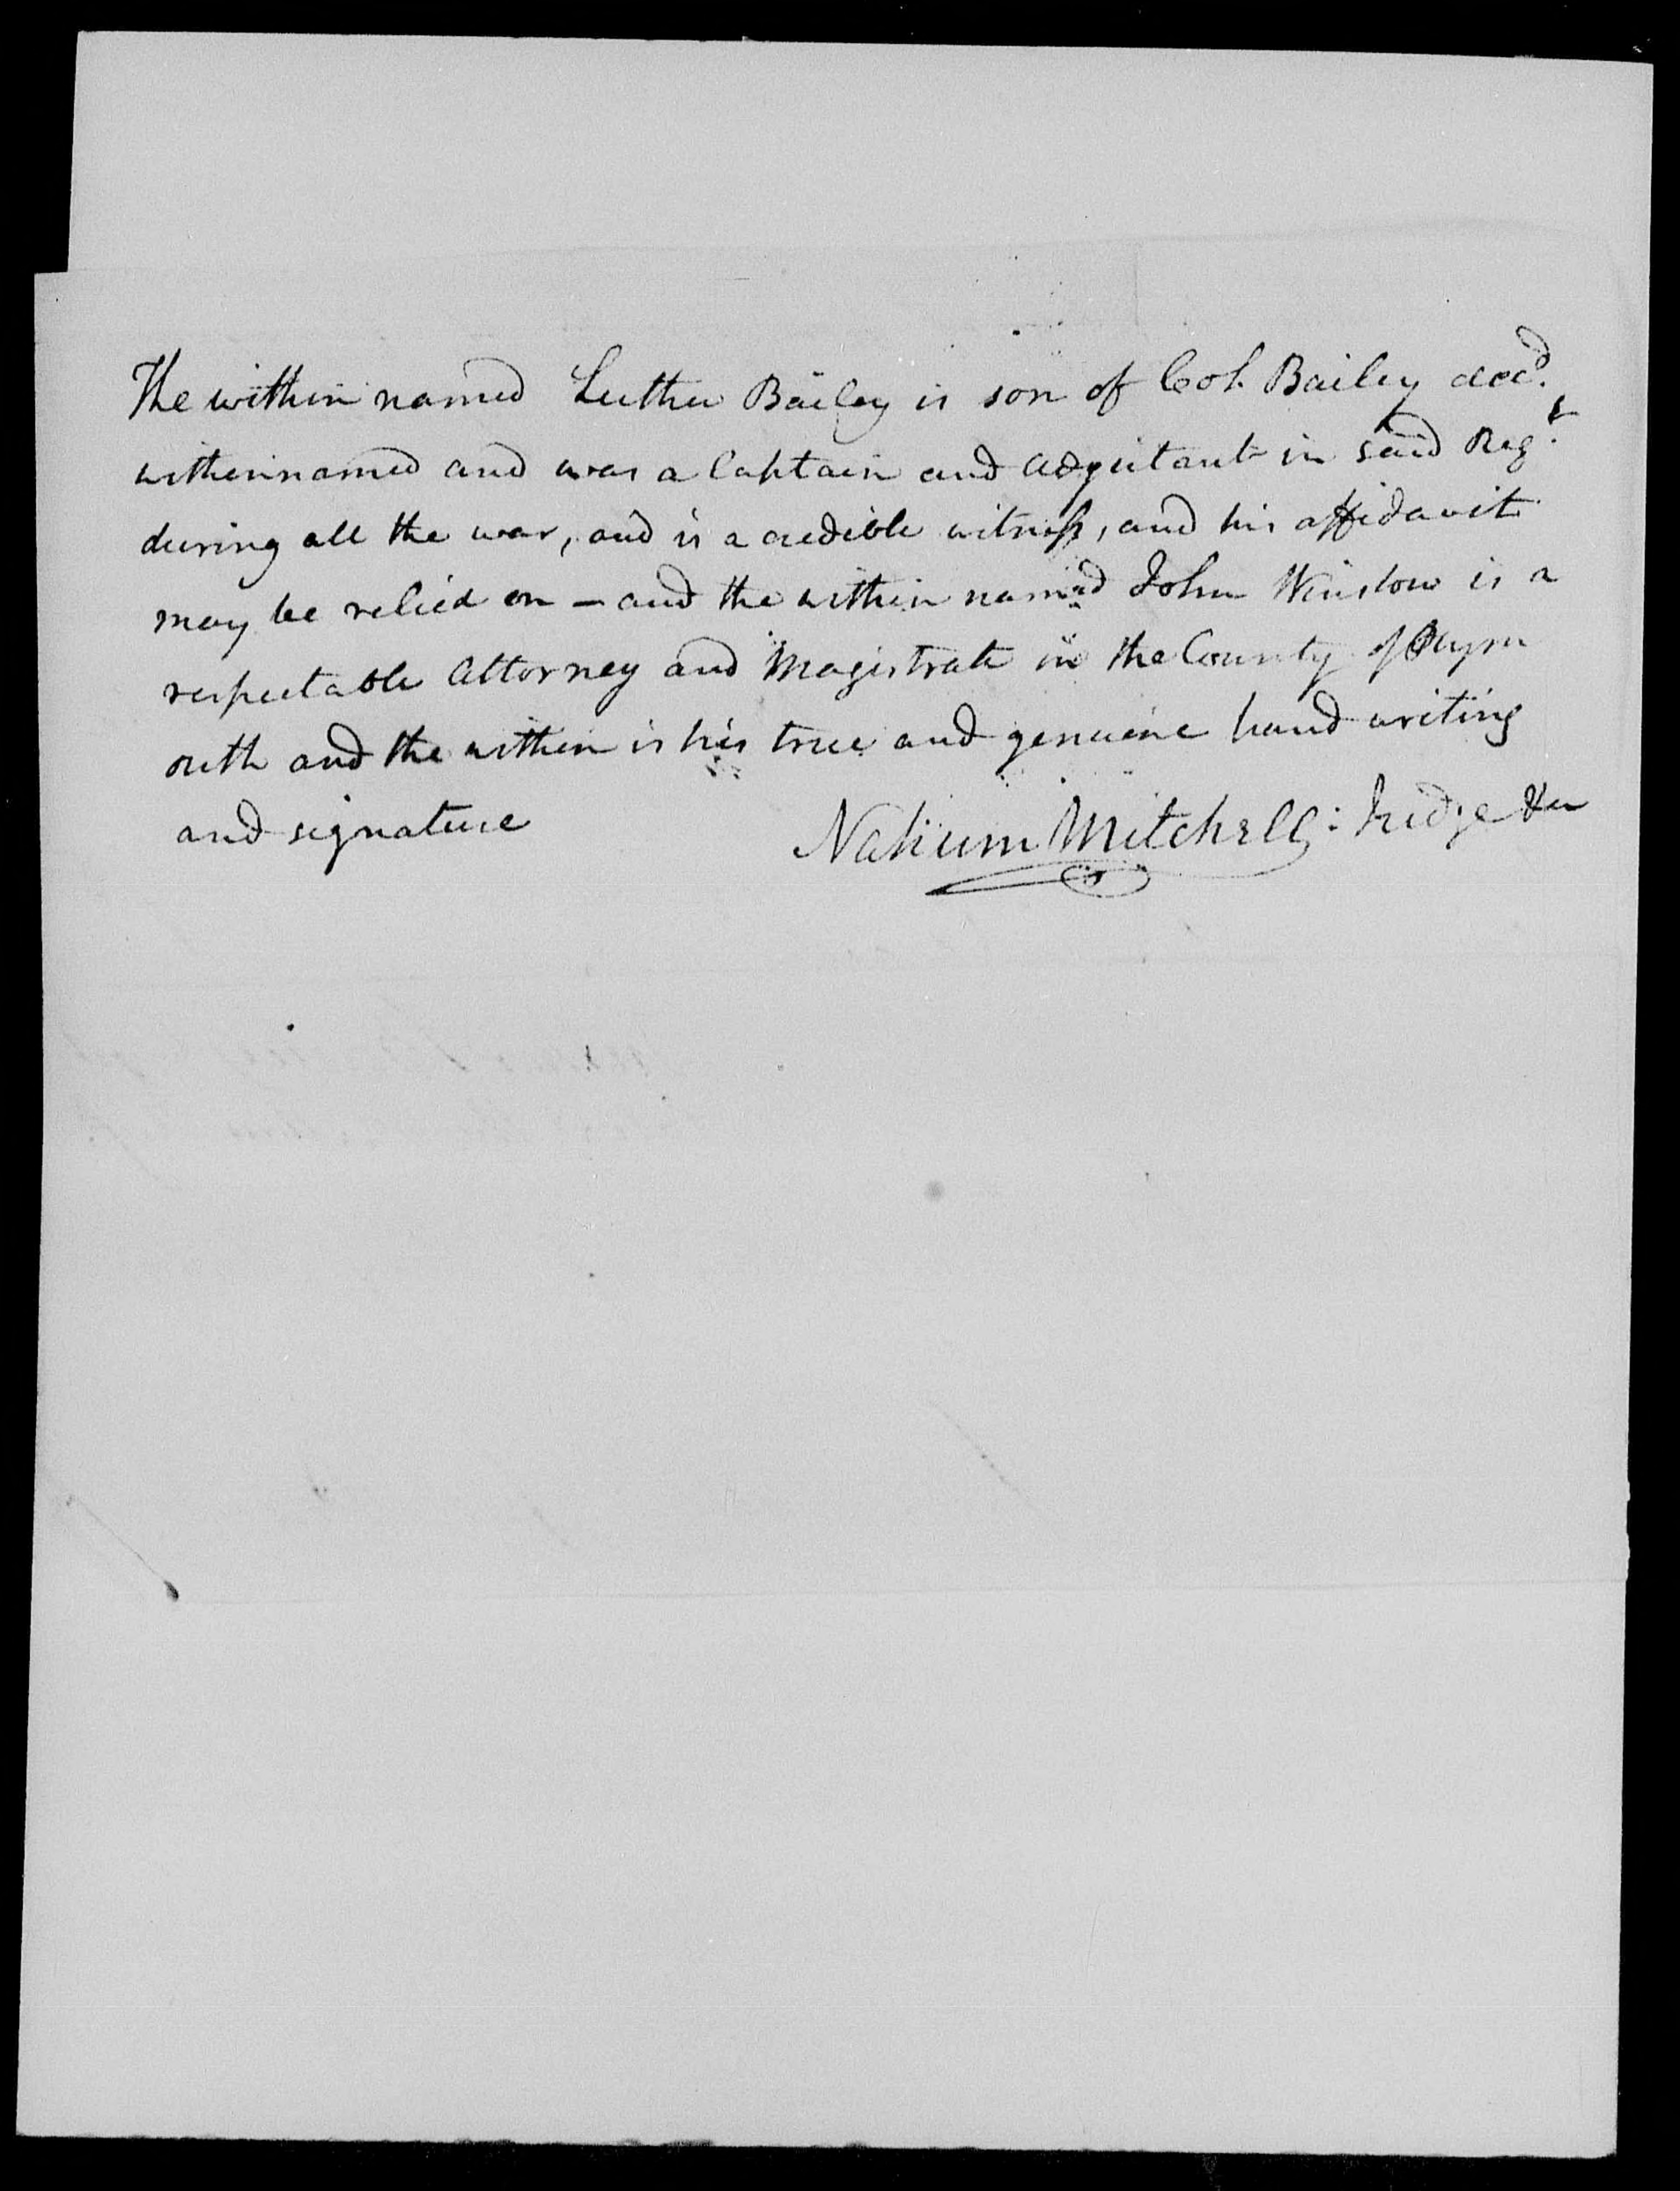The within named Luther Bailey is son of Col. Bailey deceased within named and was a Captain and Adjutant in said Regiment during all the war, and is a credible witness, and his affidavit may be relied on - and the within named John Winslow is a respectable attorney and Magistrate in the County of Plymouth and the within is his true and genuine hand writing and signature

Nahum Mitchell
Judge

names: John Winslow, Bailey, Luther Bailey, Nahum Mitchell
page: 32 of 33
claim: widow's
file: W. 22862, Tilden Crooker, Mass Navy